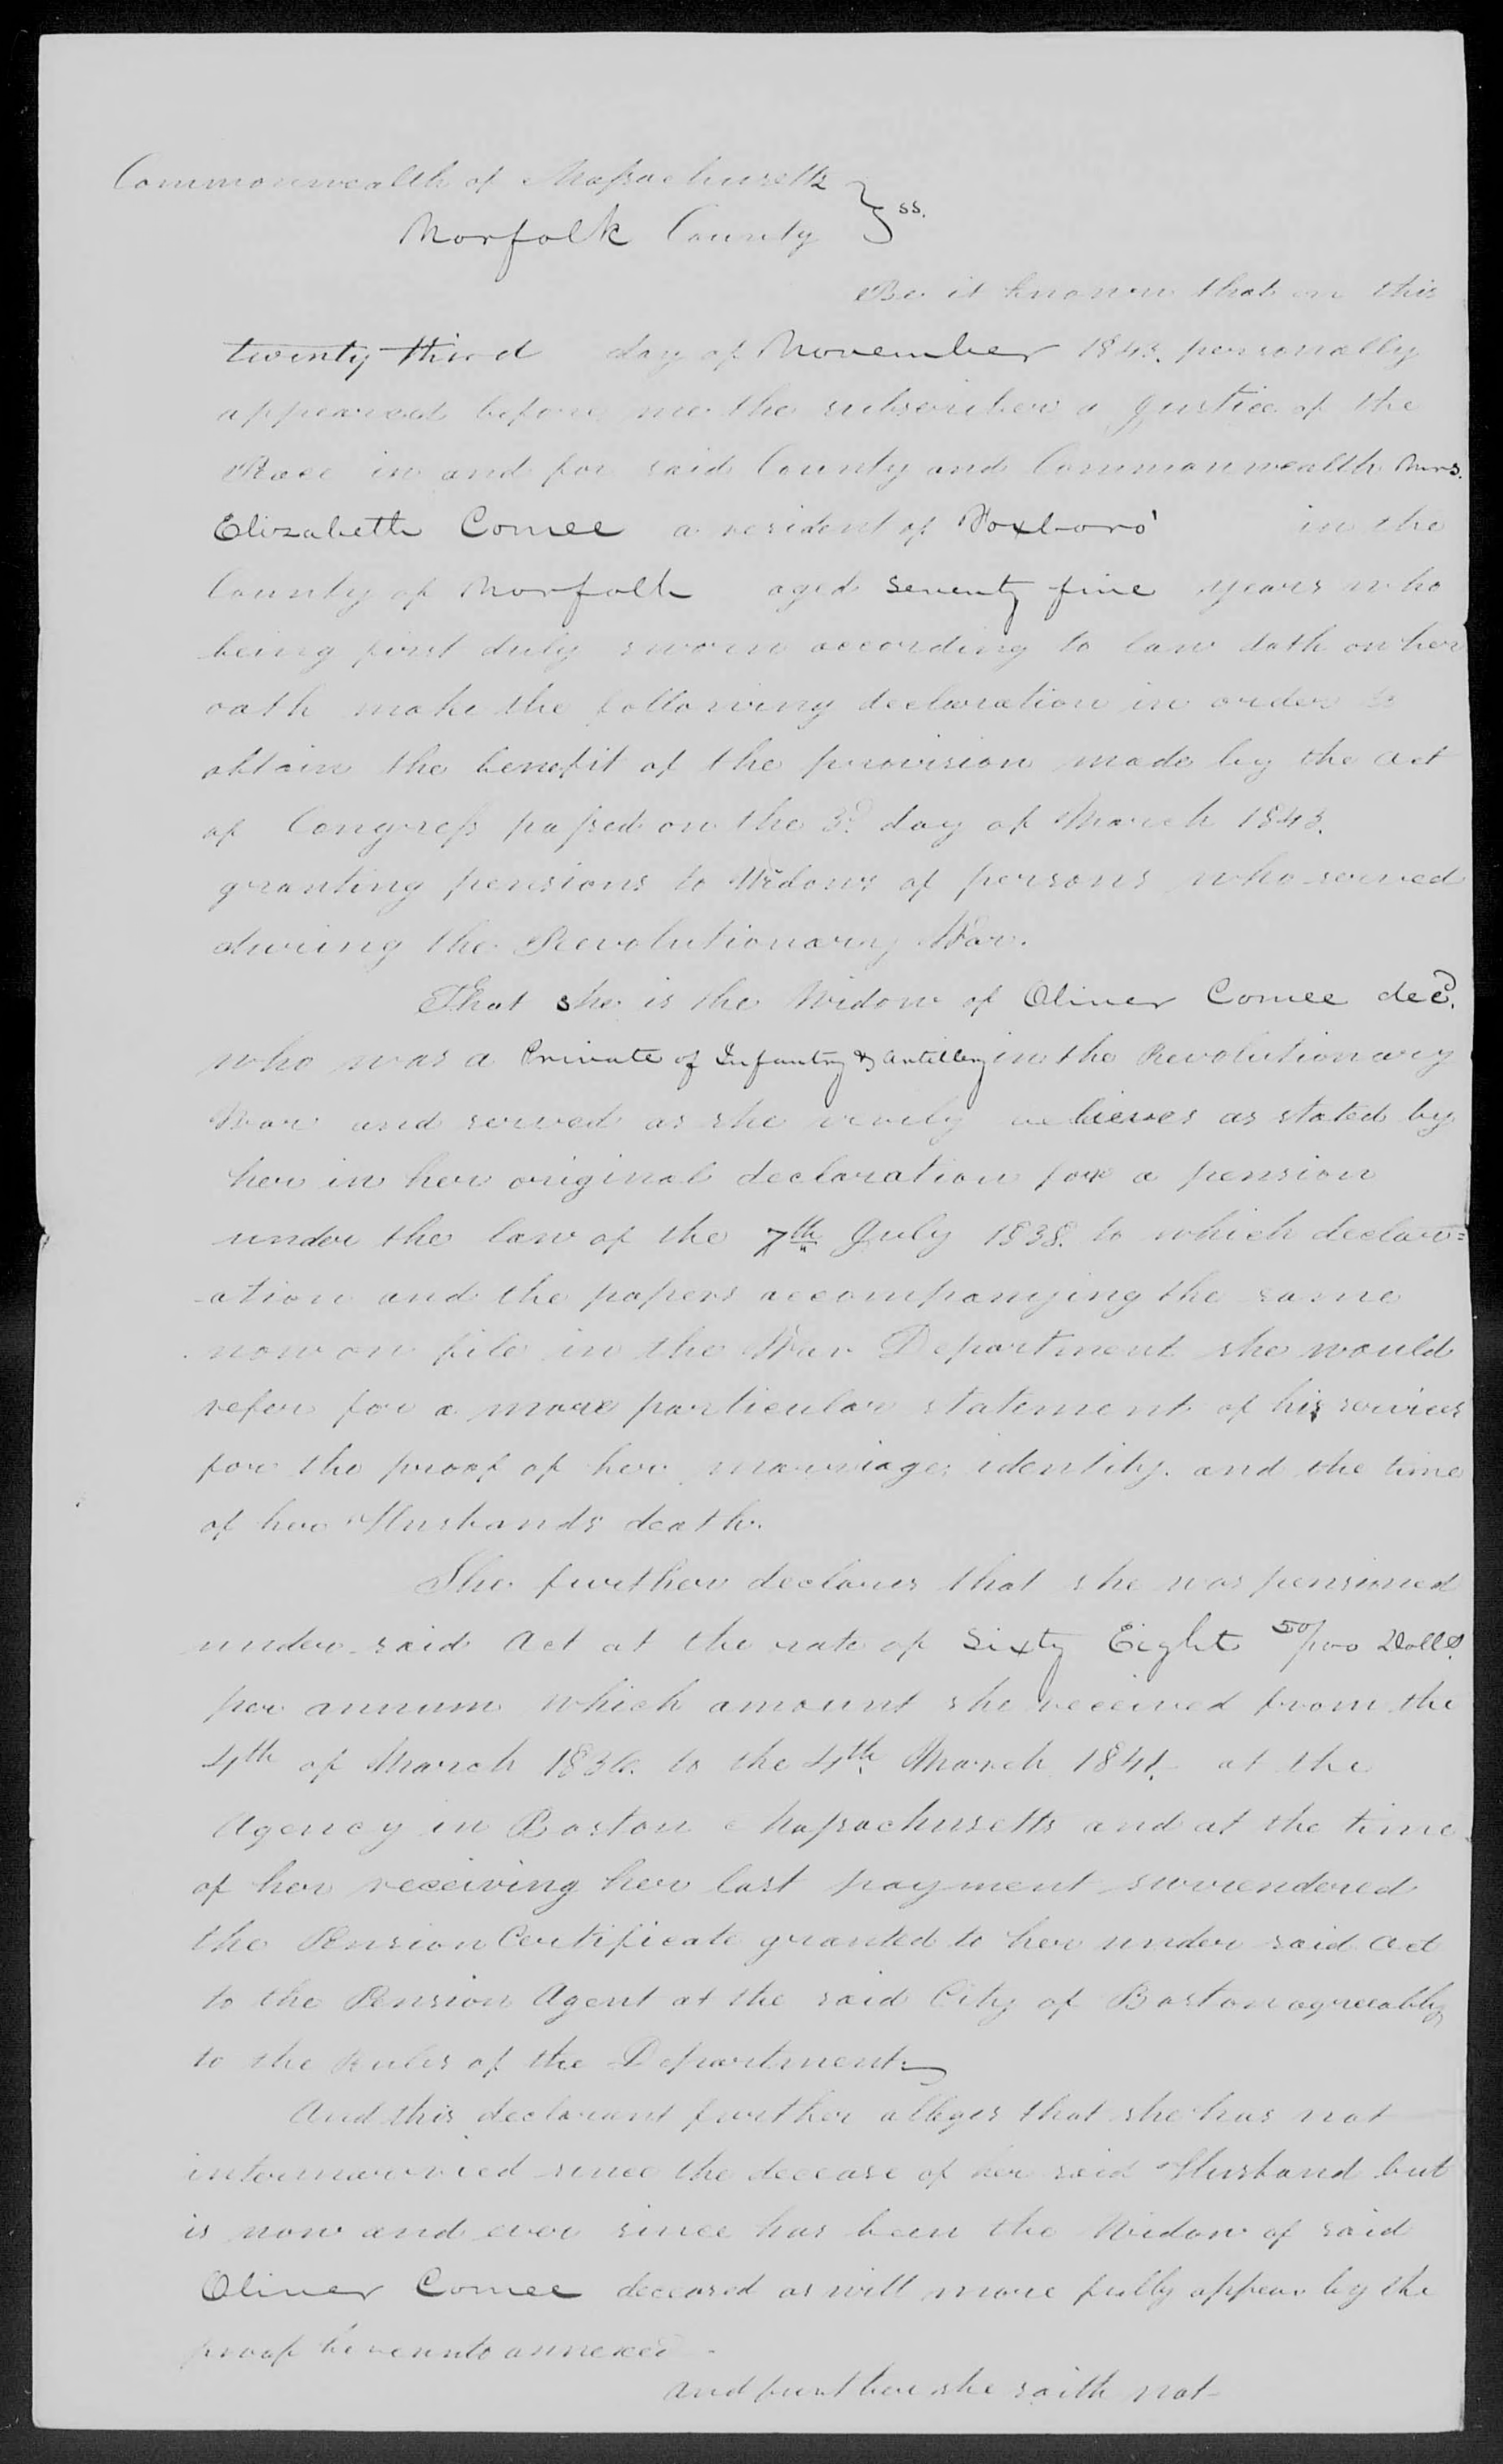Commonwealth of Massachusetts 
Norfolk County ⎬SS.

Be it known that on this twenty third day of November 1843 personally appeared before me the subscriber a Justice of the Peace in and for said County and Commonwealth Mrs. Elizabeth Comee a resident of Foxboro’ in the County of Norfolk aged seventy five years who being first duly sworn according to law doth on her oath make the following declaration in order to obtain the benefit of the provision made by the act of Congress passed on the 3d day of March 1843, granting pensions to widows of persons who served during the Revolutionary War.
That she is the widow of Oliver Comee dec’d. who was a Private of Infantry & Artillery in the Revolutionary War and served as she verily believes as stated by her in her original declaration for a pension under the law of the 7th July 1838. to which declaration and the papers accompanying the same now on file in the War Department she would refer for a more particular statement of his services for the proof of her marriage, identity and the time of her Husbands death.
She further declares that she was pensioned under said Act at the rate of Sixty Eight 50/100 Doll’s. per annum which amount she received from the 4th of March 1836 to the 4th March 1841 at the Agency in Boston Massachusetts and at the time of her receiving her last payment surrendered the Pension Certificate granted to her under said act to the Pension Agent at the said City of Boston agreeably to the rules of the Department.
And this declarant further alleges that she has not intermarried since the decease of her said husband but is now and ever since has been the widow of said Oliver Comee deceased as will more fully appear by the proof hereunto annexed —
And further she saith not-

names: Elizabeth Comee, Oliver Comee, Oliver Comee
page: 39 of 45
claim: widow's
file: W. 14,567, Oliver Comee, Mass.